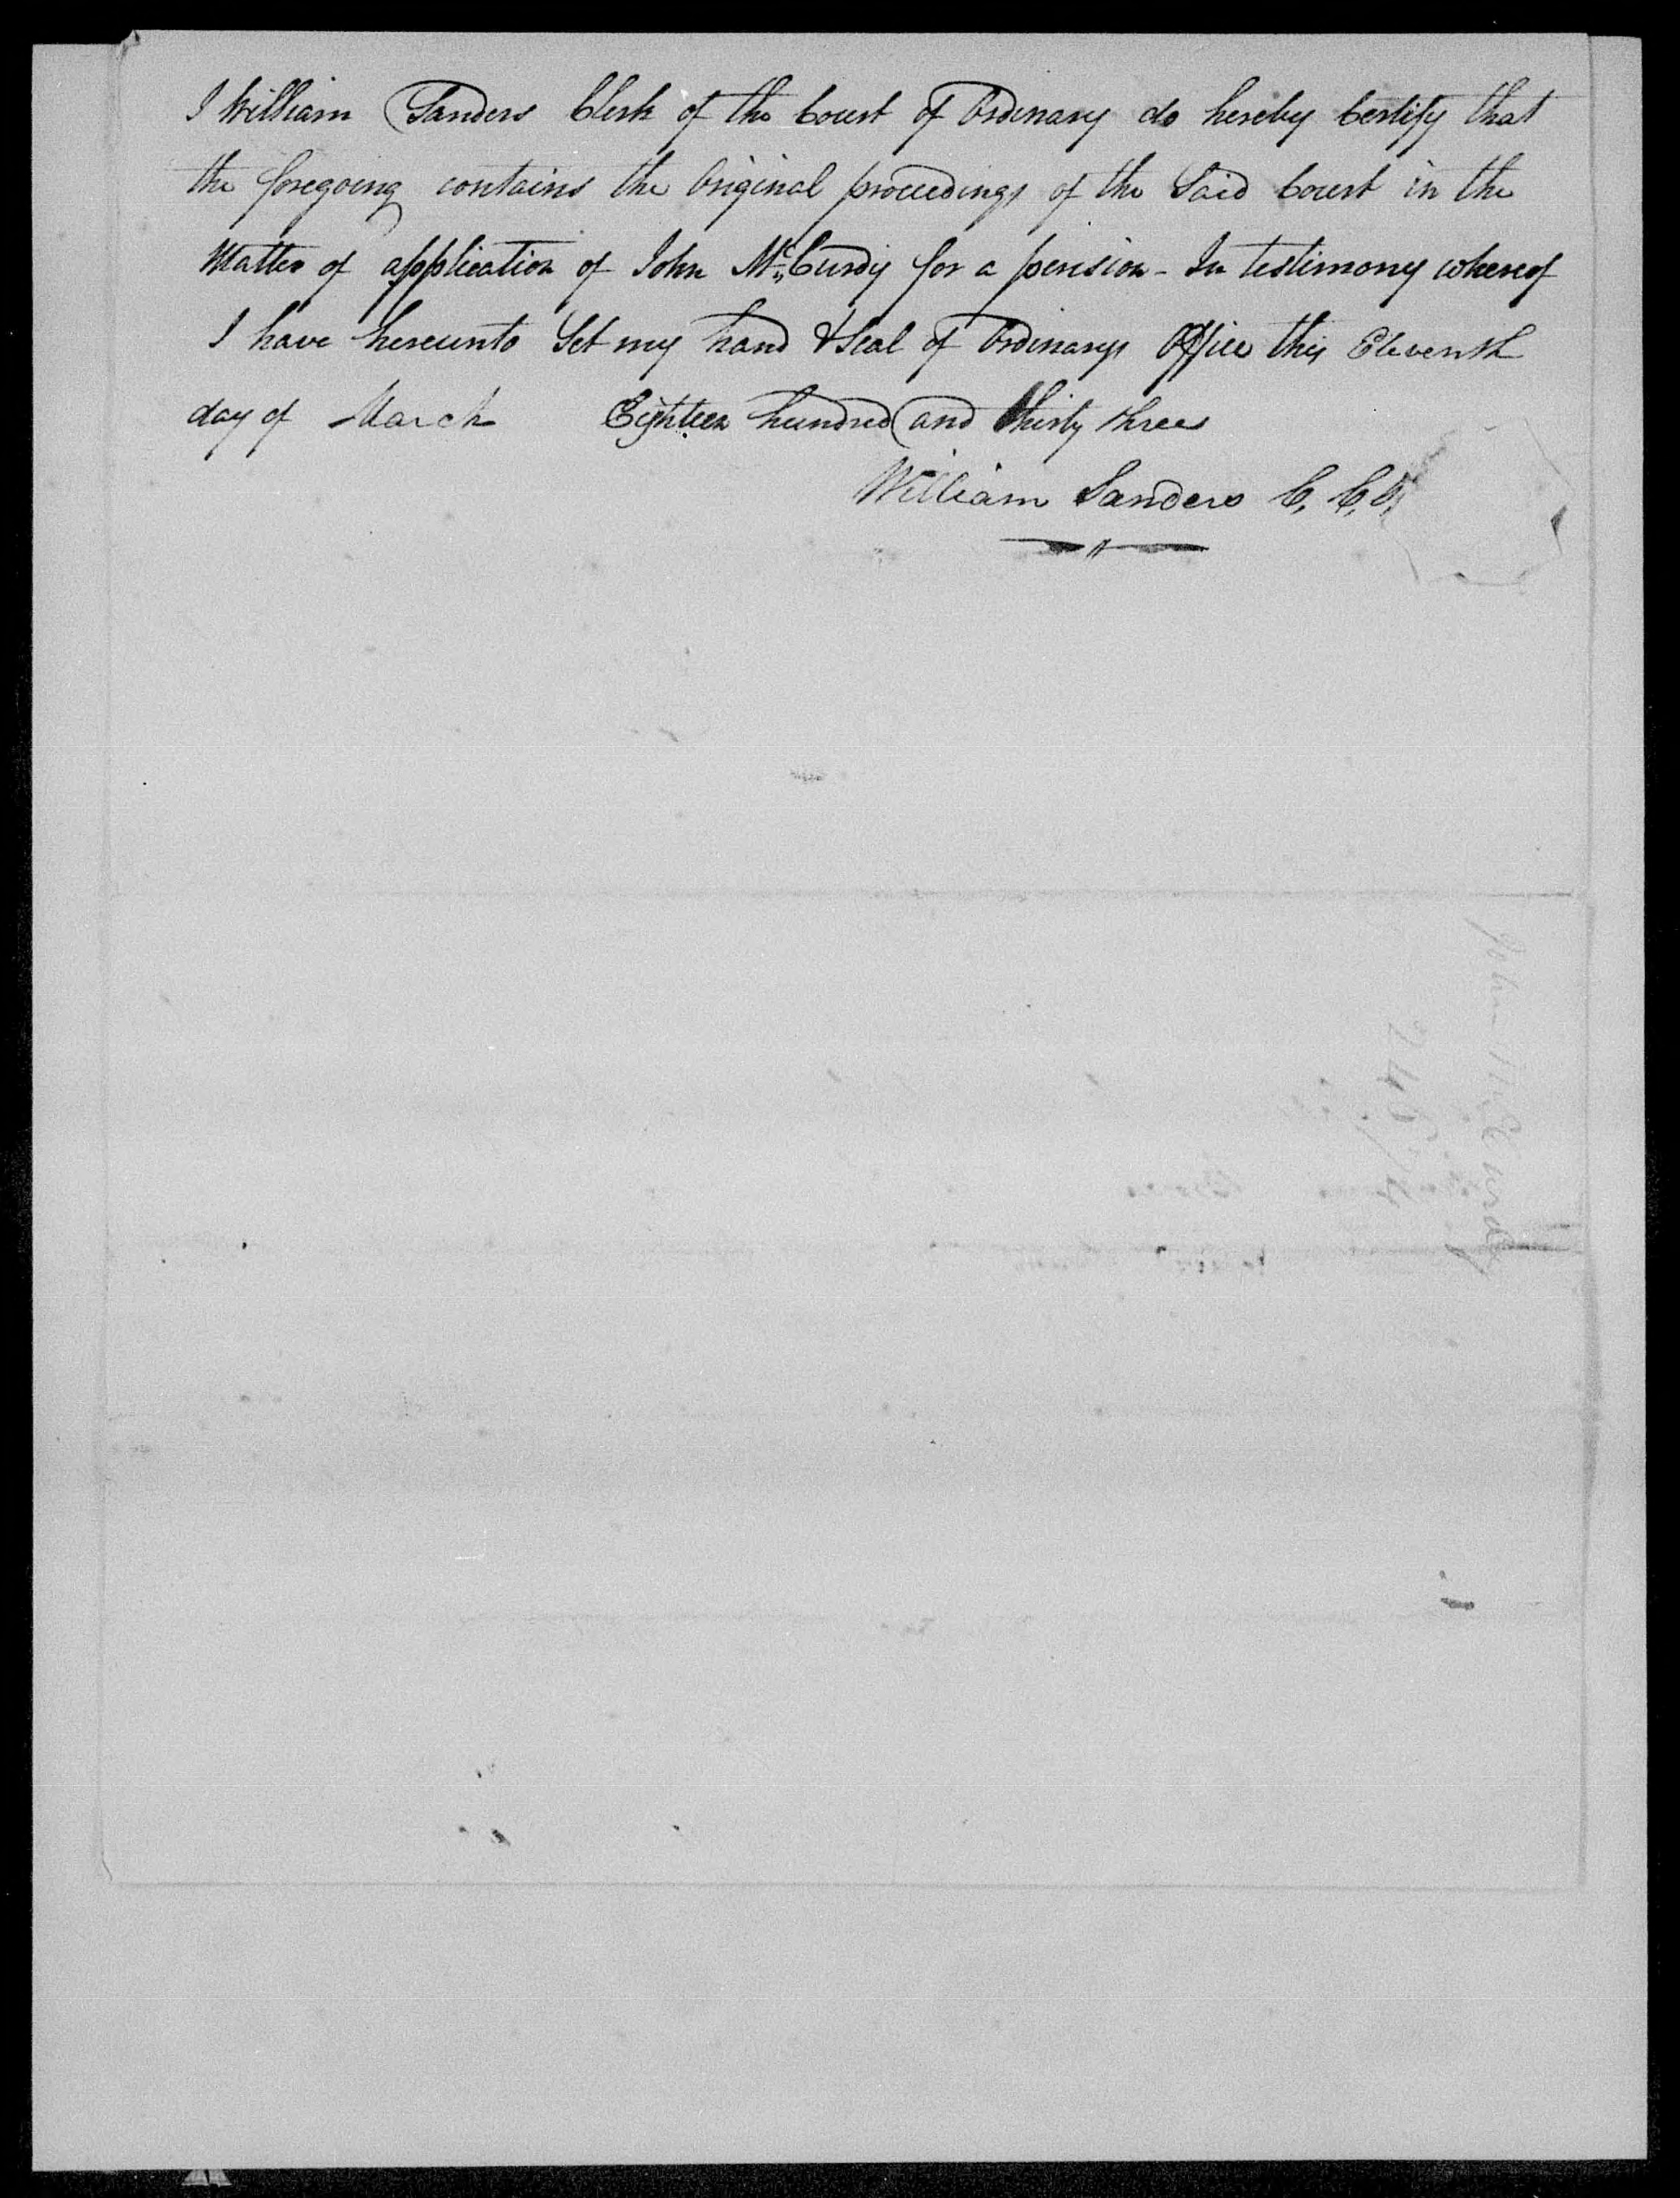I William Sanders Clerk of the Court of Ordinary do hereby certify that the
foregoing contains the original proceedings of the said Court in the
Matter of application of John M. Curdy for a pension. In testimony whereof
I have hereunto set my hand & Seal of Ordinary Office this Eleventh
day of March
Eighteen hundred and thirty three

William Sanders C. C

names: John Mc Curdy; William Sanders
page: 6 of 19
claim: survivor's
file: S. 31,855, for John Mc Curdy, Pennsylvania